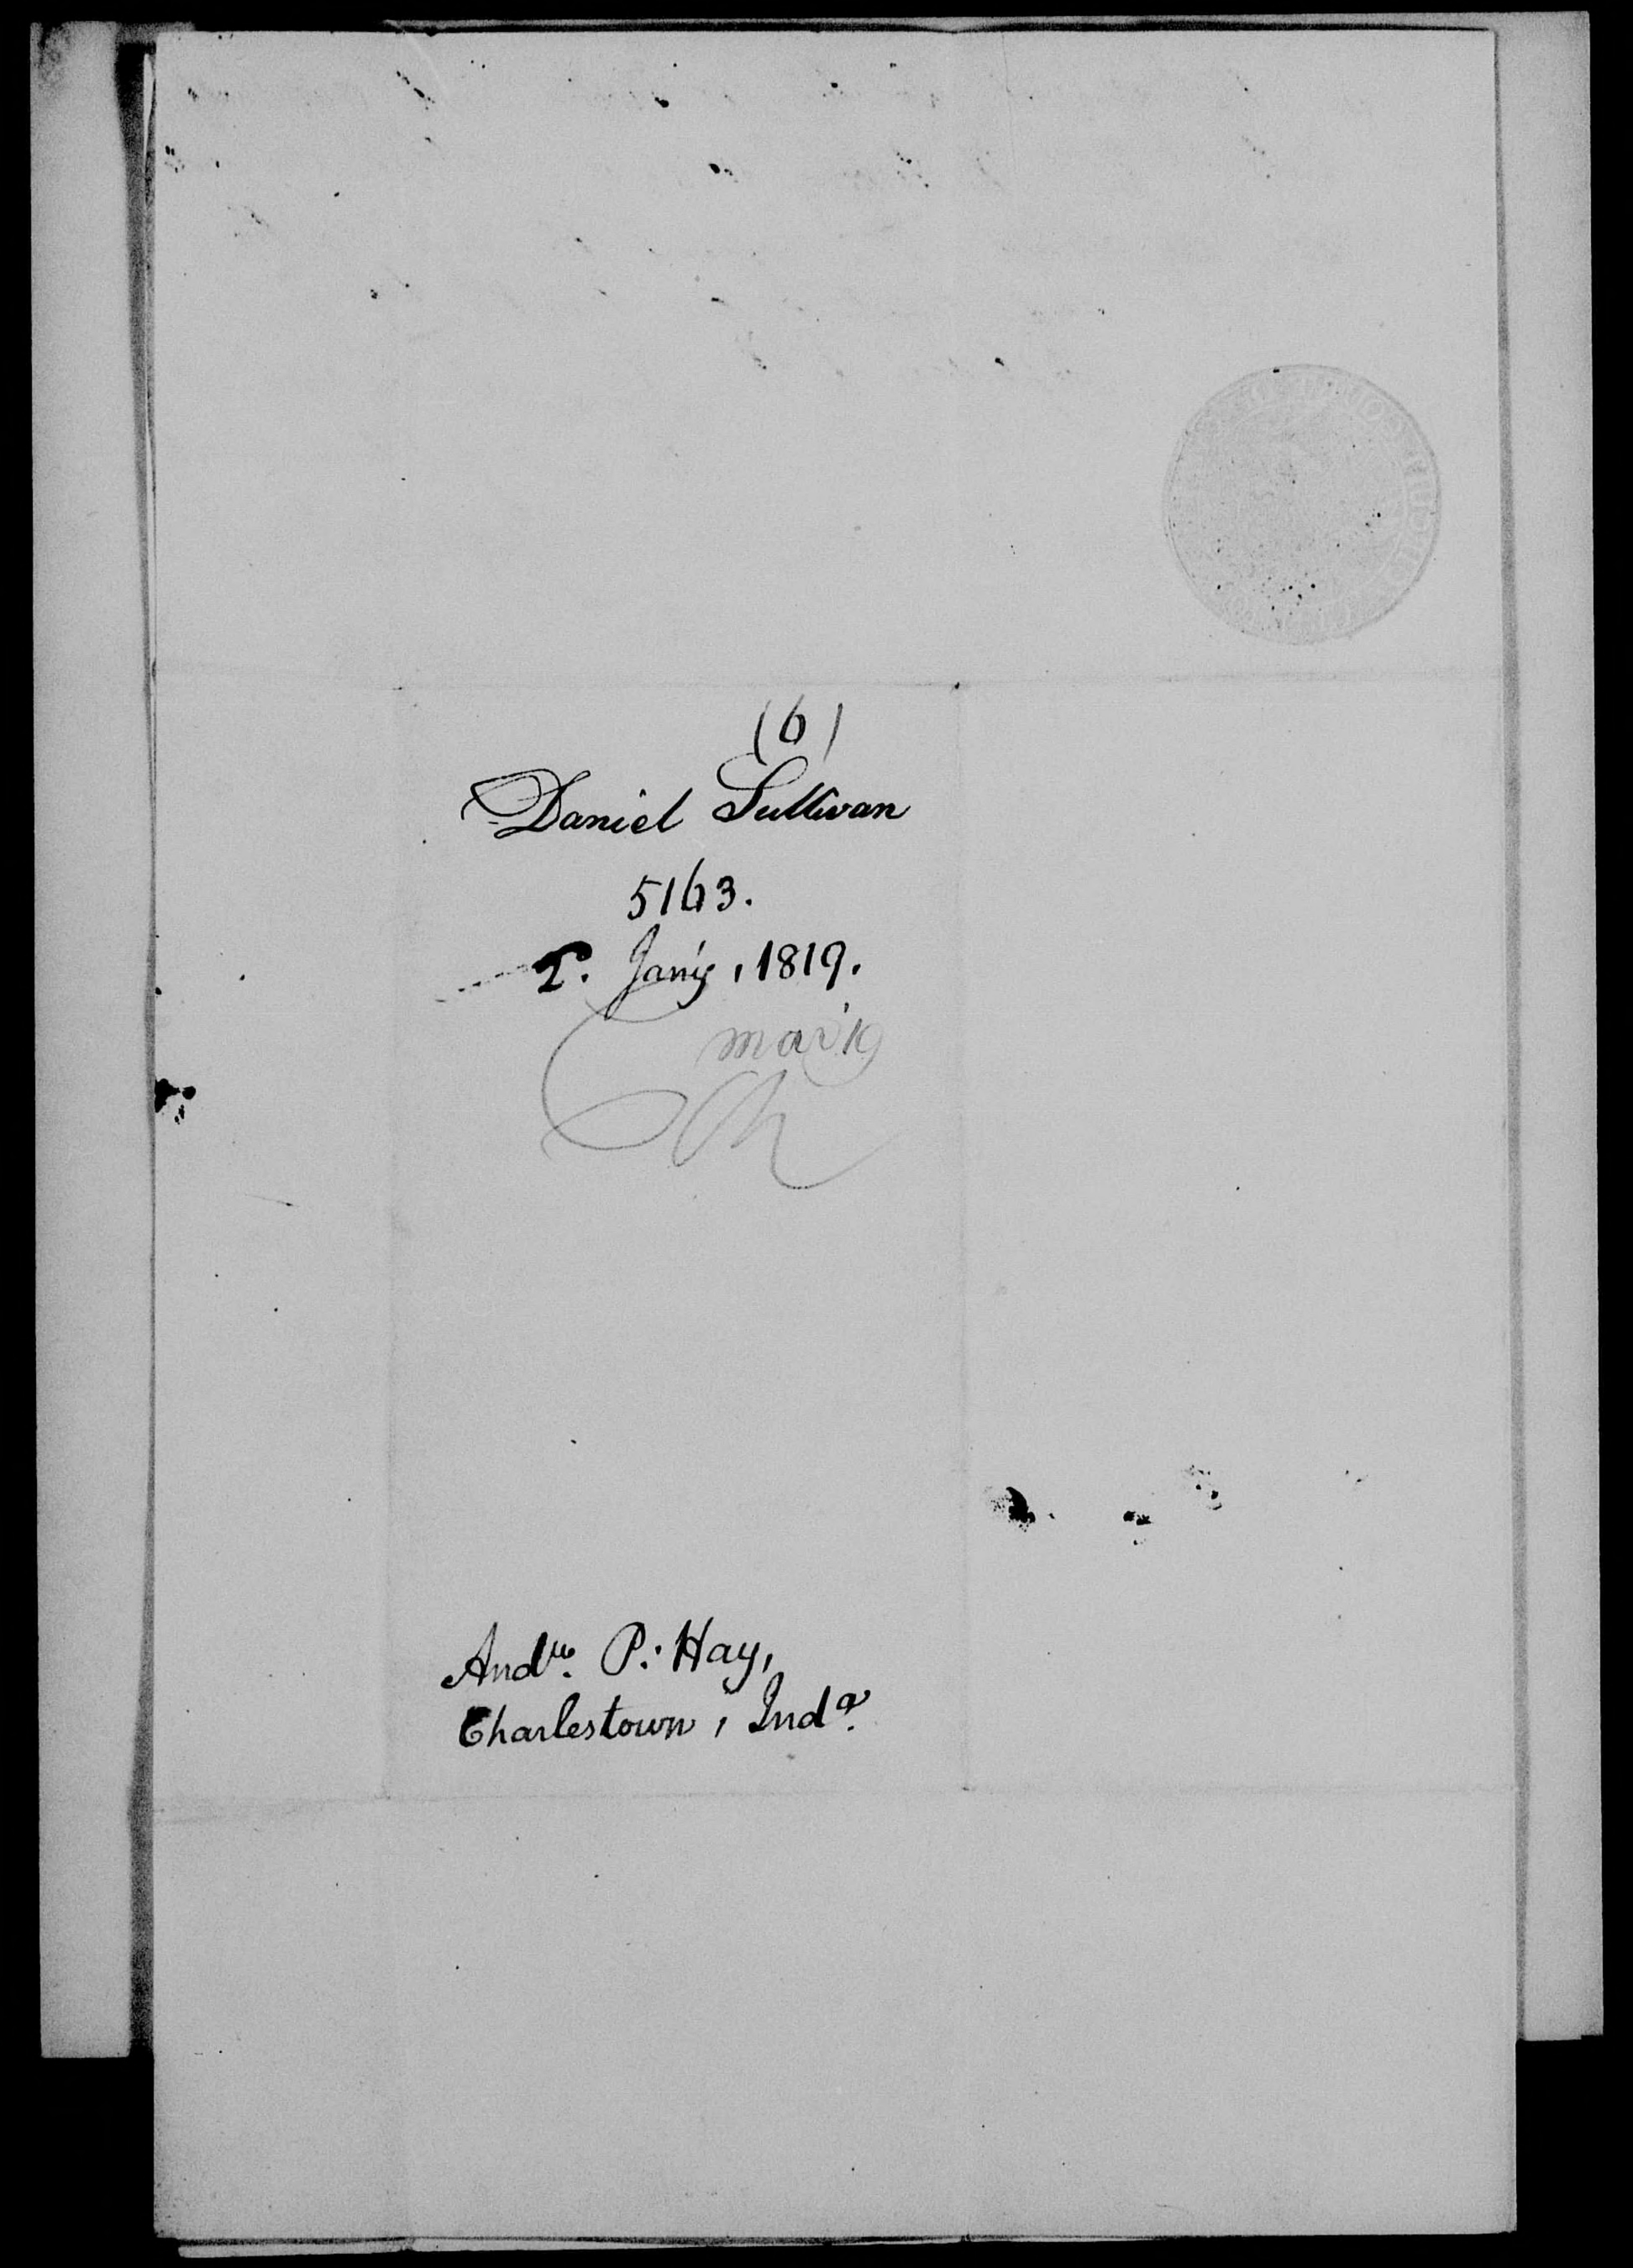(6)
Daniel Sullivan

5163
2d Jany 1819.
Mar '19
Con

Andw. P Hay
Charlestown, Ind'a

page: 7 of 78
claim: widow's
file: W. 25,169, for Daniel Sullivan, Maryland